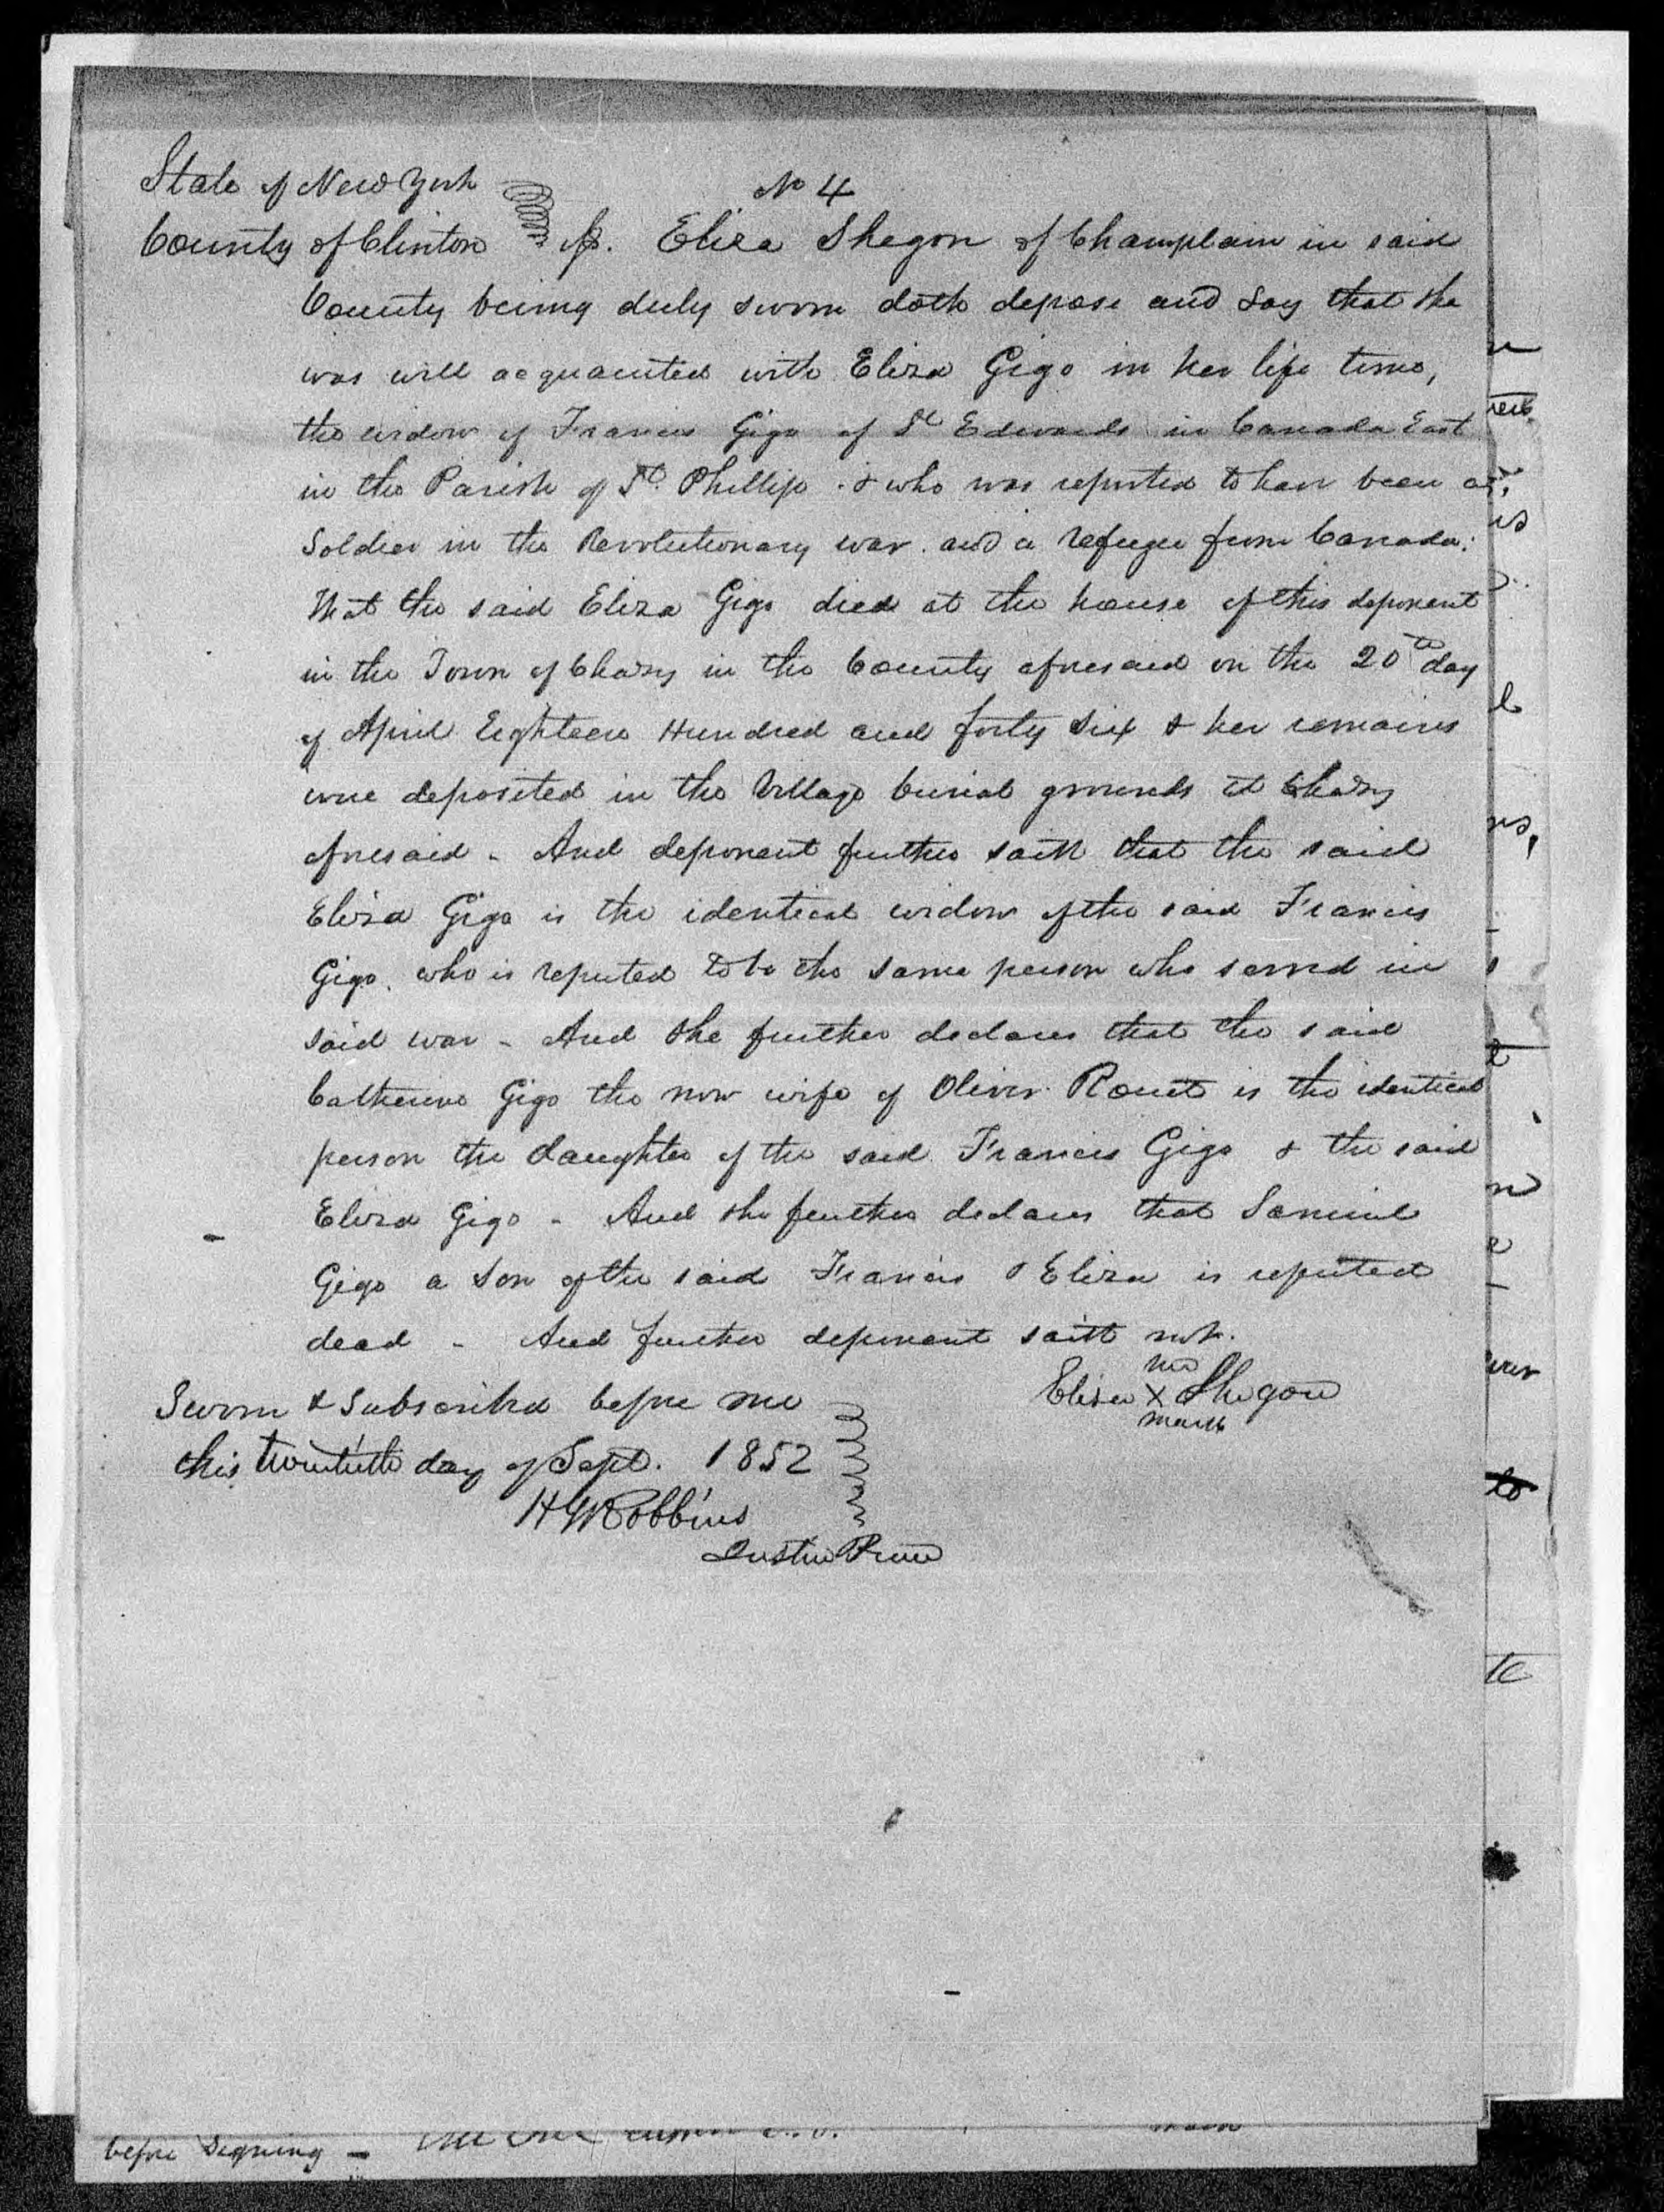State of New York      No. 4
County of Clinton ss
Eliza Shegon of Champlain in said County being duly sworn doth depose and say that she was well acquainted with Eliza Gigo in her life time, the widow of Francis Gigo of St. Edward in Canada East in in the Parish of St. Phillip & who was reputed to have been a Soldier in the Revolutionay war and a refugee from Canada;
That the said Eliza Gigo died at the house of this deponent in the Town of Chazy in the County aforesaid in the 20th day of April Eighteen Hundred and forty six & her remains were deposited in the village burial grounds in Chazy aforesaid.
And deponent further saith that the said Eliza Gigo is the identical widow of the said Francis Gigo who is reputed to be the same person who served in said war -
And she further declares that the said Catherine Gigo the now wife of Oliver Roust is the identical person the daughter of the said Francis Gigo & the said Eliza Gigo -
And she further declares that Samuel Gigo a son of the said Francis & Eliza is reputed dead-
And further deponent saith not.
Eliza (x her mark) Shegon
Sworn and subscribed before me this twentieth day of Sept 1852 
 H. W. Robbins 
Justice Peace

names: Eliza Shegon, Francis, Eliza Gigo, Samuel Gigo, Catherine Gigo, Eliza Gigo, Eliza Shegon, Francis Gigo, H G Robbins, Francis Gigo, Eliza Gigo, Oliver Rouet, Eliza Gigo, Francis Gigo, Eliza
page: 42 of 98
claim: widow's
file: W. 21182, Francis Gigo, Continental (Canadian)